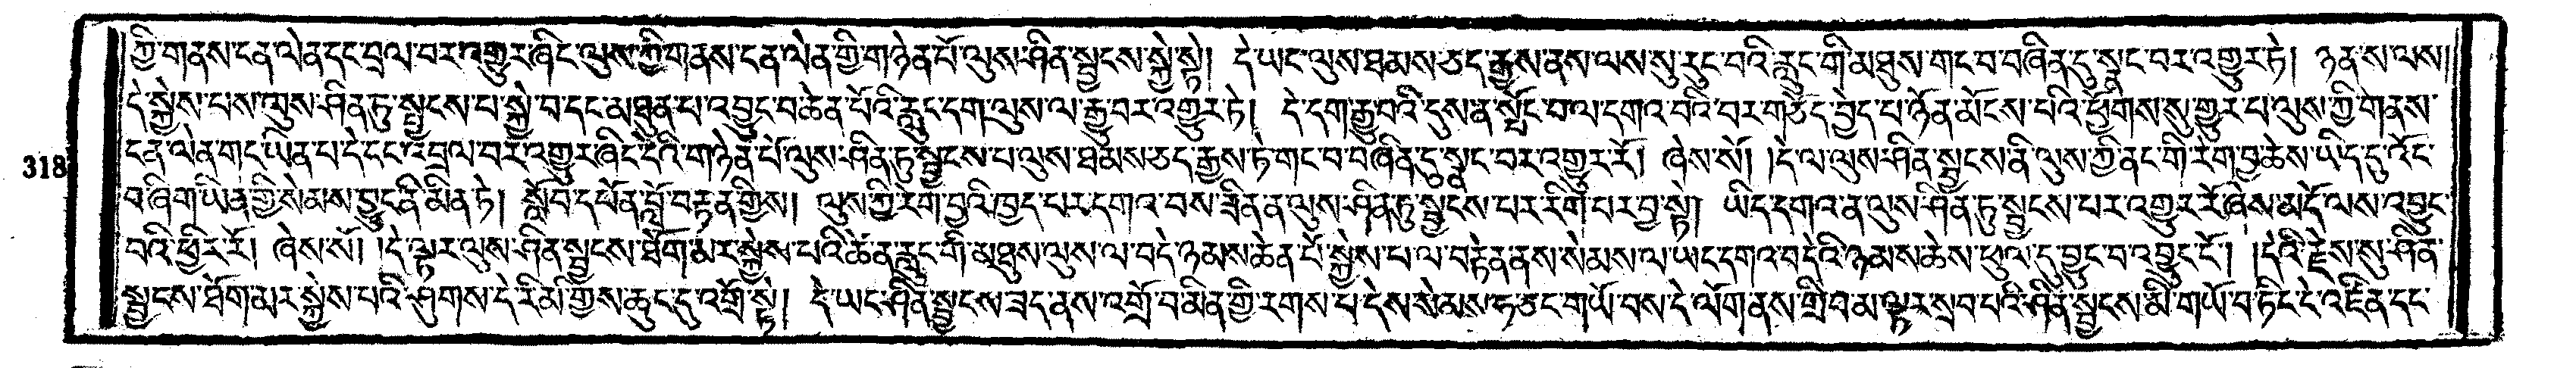ཀྱི་གནས་ངན་ལེན་དང་བྲལ་བར་འགྱུར་ཞིང་ལུས་ཀྱི་གནས་ངན་ལེན་གྱི་གཉེན་པོ་ལུས་ཤིན་སྦྱངས་སྐྱེ་སྟེ། དེ་ཡང་ལུས་ཐམས་ཅད་རྒྱས་ནས་ལས་སུ་རུང་བའི་རླུང་གི་མཐུས་གང་བ་བཞིན་དུ་སྣང་བར་འགྱུར་ཏེ། ཉན་ས་ལས།
དེ་སྐྱེས་པས་ལུས་ཤིན་ཏུ་སྦྱངས་པ་སྐྱེ་བ་དང་མཐུན་པ་འབྱུང་བ་ཆེན་པོའི་རླུང་དག་ལུས་ལ་རྒྱུ་བར་འགྱུར་ཏེ། དེ་དག་རྒྱུ་བའི་དུས་ན་སྤོང་བ་ལ་དགའ་བའི་བར་གཅོད་བྱེད་པ་ཉོན་མོངས་པའི་ཕྱོགས་སུ་གྱུར་པ་ལུས་ཀྱི་གནས་
ངན་ལེན་གང་ཡིན་པ་དེ་དང་འབྲལ་བར་འགྱུར་ཞིང་དེའི་གཉེན་པོ་ལུས་ཤིན་ཏུ་སྦྱངས་པ་ལུས་ཐམས་ཅད་རྒྱས་ཏེ་གང་བ་བཞིན་དུ་སྣང་བར་འགྱུར་རོ། ཞེས་སོ། །དེ་ལ་ལུས་ཤིན་སྦྱངས་ནི་ལུས་ཀྱི་ནང་གི་རེག་བྱ་ཆེས་ཡིད་དུ་འོང་
བ་ཞིག་ཡིན་གྱི་སེམས་བྱུང་ནི་མིན་ཏེ། སློབ་དཔོན་བློ་བརྟན་གྱིས། ལུས་ཀྱི་རེག་བྱའི་ཁྱད་པར་དགའ་བས་ཟིན་ན་ལུས་ཤིན་ཏུ་སྦྱངས་པར་རིག་པར་བྱ་སྟེ། ཡིད་དགའ་ན་ལུས་ཤིན་ཏུ་སྦྱངས་པར་འགྱུར་རོ་ཞེས་མདོ་ལས་འབྱུང་
བའི་ཕྱིར་རོ། ཞེས་སོ། །དེ་ལྟར་ལུས་ཤིན་སྦྱངས་ཐོག་མར་སྐྱེས་པའི་ཚེ་ན་རླུང་གི་མཐུས་ལུས་ལ་བདེ་ཉམས་ཆེན་པོ་སྐྱེས་པ་ལ་བརྟེན་ནས་སེམས་ལ་ཡང་དགའ་བ་དེའི་ཉམས་ཆེས་ཕུལ་དུ་བྱུང་བ་འབྱུང་ངོ། །དེའི་རྗེས་སུ་ཤིན་
སྦྱངས་ཐོག་མར་སྐྱེས་པའི་ཤུགས་དེ་རིམ་གྱིས་ཆུང་དུ་འགྲོ་སྟེ། དེ་ཡང་ཤིན་སྦྱངས་ཟད་ནས་འགྲོ་བ་མིན་གྱི་རགས་པ་དེས་སེམས་ཧ་ཅང་གཡོ་བས་དེ་ལོག་ནས་གྲིབ་མ་ལྟར་སྲབ་པའི་ཤིན་སྦྱངས་མི་གཡོ་བ་ཏིང་ངེ་འཛིན་དང་